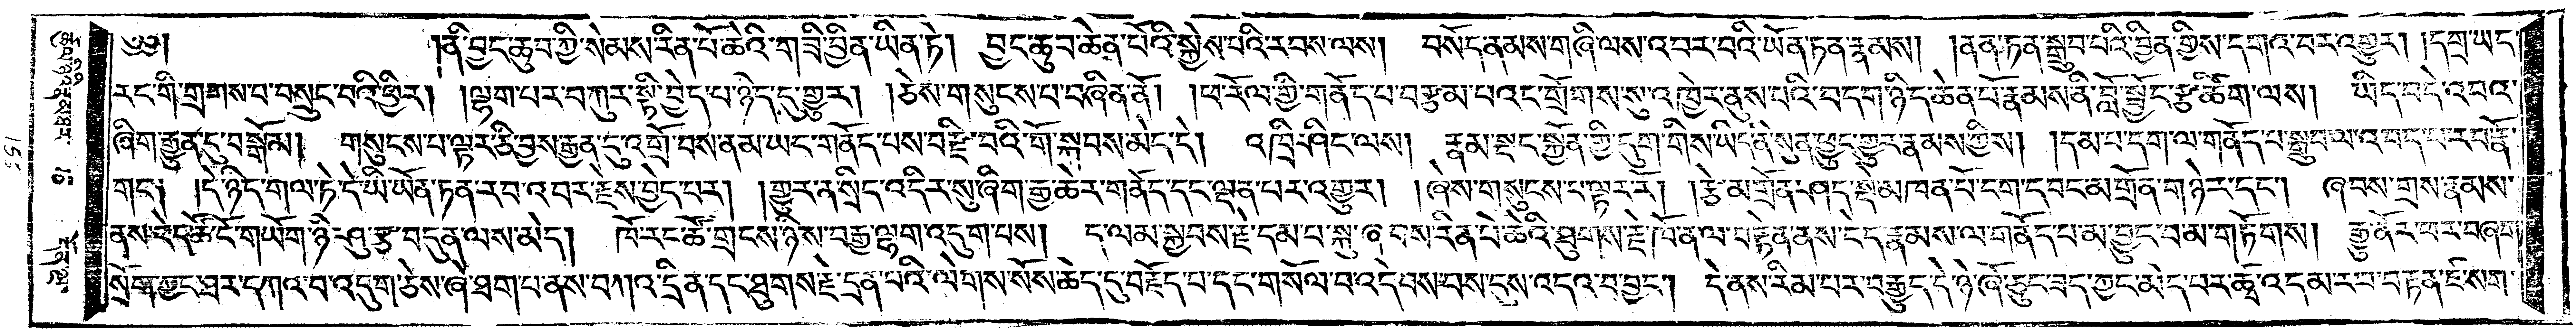༄༅། །ནི་བྱང་ཆུབ་ཀྱི་སེམས་རིན་པོ་ཆེའི་གཟི་བྱིན་ཡིན་ཏེ། བྱང་ཆུབ་ཆེན་པོའི་སྐྱེས་པའི་རབས་ལས། བསོད་ནམས་གཞི་ལས་འབར་པའི་ཡོན་ཏན་རྣམས། །ནན་ཏན་སྒྲུབ་པའི་བྱིན་གྱིས་དགའ་བར་འགྱུར། །དགྲ་ཡང་
རང་གི་གྲགས་བ་བསྲུང་བའི་ཕྱིར། །ལྷག་པར་བཀུར་སྟི་བྱེད་པ་ཉིད་དུ་གྱུར། །ཅེས་གསུངས་པ་བཞིན་ནོ། །ཕ་རོལ་གྱི་གནོད་པ་བརྩམ་པའང་གྲོགས་སུ་འཁྱེར་ནུས་པའི་བདག་ཉིད་ཆེན་པོ་རྣམས་ནི་བློ་སྦྱོང་རྩ་ཚིག་ལས། ཡིད་བདེ་འབའ་
ཞིག་རྒྱུན་དུ་བསྒོམ། གསུངས་པ་ལྟར་ཅི་བྱས་རྒྱན་དུ་འགྲོ་བས་ནམ་ཡང་གནོད་པས་བརྫི་བའི་གོ་སྐབས་མེད་དེ། འཁྲི་ཤིང་ལས། རྣམ་སྡང་སྐྱོན་གྱི་དུག་གིས་ཡིད་ནི་སུན་ཕྱུད་གྱུར་རྣམས་ཀྱིས། །དམ་པ་དག་ལ་གནོད་པ་སྒྲུབ་ལ་འབད་པར་བ་རྣོ་
གང༑ །དེ་ཉིད་གལ་ཏེ་དེ་ཡི་ཡོན་ཏན་རབ་འབར་རྗེས་བྱེད་པར། །གྱུར་ན་སྲིད་འདིར་སུ་ཞིག་རྒྱ་ཆེར་གནོད་དང་ལྡན་པར་འགྱུར། །ཞེས་གསུངས་པ་ལྟར་རོ། །རྩེ་མགྲོན་ཤད་སྡེ་མཁན་པོ་ངག་དབང་མགྲོན་གཉེར་དང་། ཞབས་གྲས་རྣམས་
ནས་ངེད་ཚོ་ངོ་གཡོག་ཉི་ཤུ་རྩ་བདུན་ལས་མེད། ཁོ་རང་ཚོ་གྲངས་ཉིས་བརྒྱ་ལྷག་འདུག་པས། ད་ལམ་སྐྱབས་རྗེ་དམ་པ་སྐུ་ཞབས་རིན་པོ་ཆེའི་ཐུགས་རྗེ་ཁོ་ན་ལ་བརྟེན་ནས་ངེད་རྣམས་ལ་གནོད་པ་མ་བྱུང་བ་མ་གཏོགས། རྒྱུ་ནོར་ཕར་བཞག་
སྲོག་ཀྱང་ཐར་དགའ་བ་འདུག་ཅེས་ཞེ་ཐག་པ་ནས་བཀའ་དྲིན་དང་ཐུགས་རྗེ་དྲན་པའི་ལེགས་སོས་ཆེད་དུ་བརྗོད་པ་དང་གསོལ་བ་འདེབས་པས་དུས་འདའ་བ་བྱུང་། དེ་ནས་རིམ་པར་བརྒྱུད་དེ་ཉེ་ཞོ་ཅུང་ཟད་ཀྱང་མེད་པར་ཚྭ་འདམ་རབ་བརྟན་ཛ་སག་